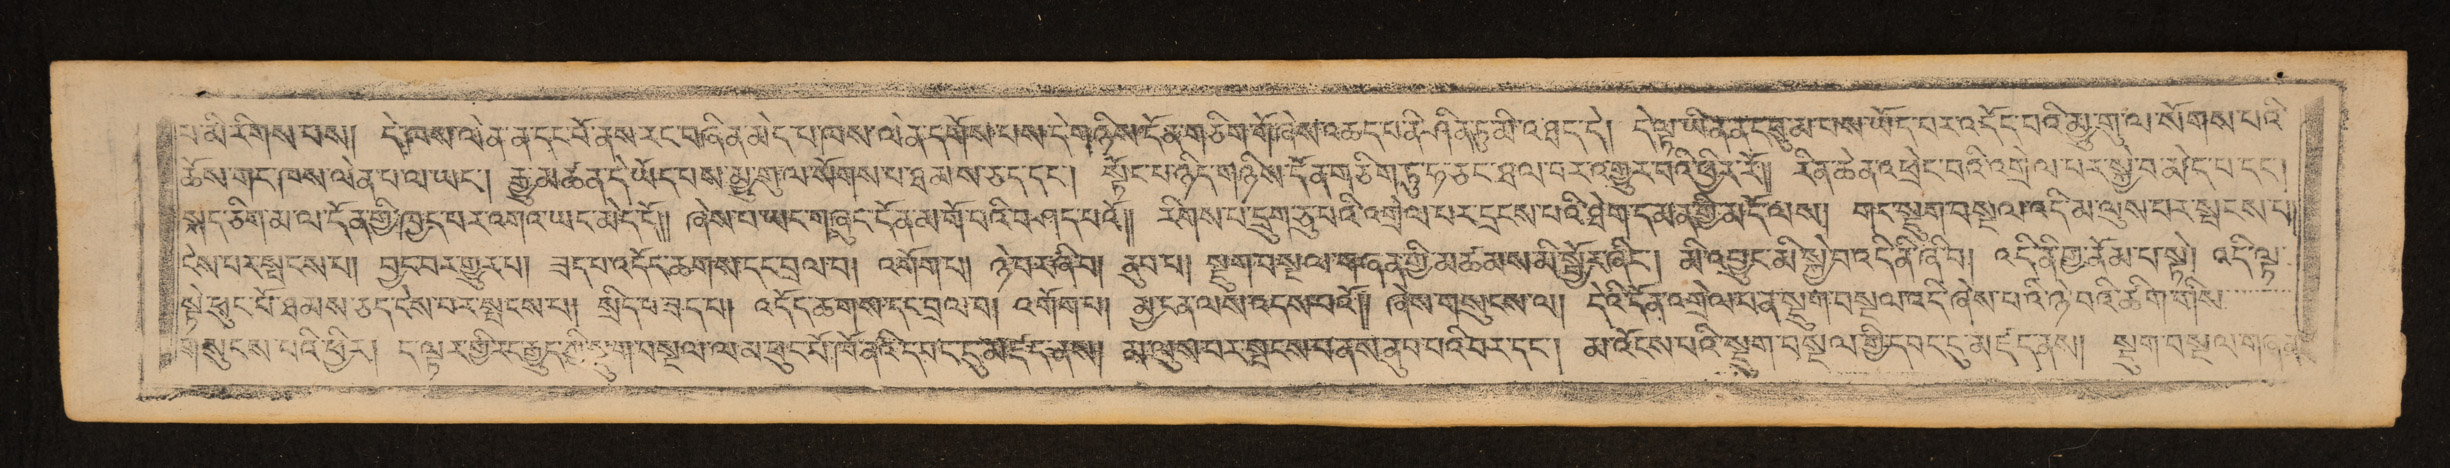པ་མི་རིགས་པས། དེ་ཁས་ལེན་ན་དང་པོ་ནས་རང་བཞིན་མེད་པ་ཁས་ལེན་དགོས་པས་དེ་གཉིས་དོན་གཅིག་གོ་ཞེས་འཆད་པ་ནི་ཤིན་ཏུ་མི་འཐད་དེ། དེ་ལྟ་ཡིན་ན་དབུ་མ་པས་ཡོད་པར་འདོད་པའི་མྱུ་གུ་ལ་སོགས་པའི་
ཆོས་གང་ཁས་ལེན་པ་ལ་ཡང་། རྒྱུ་མཚན་དེ་ཡོད་པས་མྱུ་གུ་ལ་སོགས་པ་ཐམས་ཅད་དང་། སྟོང་པ་ཉིད་གཉིས་དོན་གཅིག་ཏུ་ཧ་ཅང་ཐལ་བར་འགྱུར་བའི་ཕྱིར་རོ།། རིན་ཆེན་འཕྲེང་བའི་འགྲེལ་པར་སྐྱེ་བ་མེད་པ་དང་།
སྐད་ཅིག་མ་ལ་དོན་གྱི་ཁྱད་པར་འགའ་ཡང་མེད་དོ།། ཞེས་པ་ཡང་གཞུང་དོན་མ་གོ་བའི་བཤད་པའོ།། རིགས་པ་དྲུག་ཅུ་པའི་འགྲེལ་པར་དྲངས་པའི་ཐེག་དམན་གྱི་མདོ་ལས། གང་སྡུག་བསྔལ་འདི་མ་ལུས་པར་སྤངས་པ།
ངེས་པར་སྤངས་པ། བྱང་བར་གྱུར་པ། ཟད་པ་འདོད་ཆགས་དང་བྲལ་བ། འགོག་པ། ཉེ་བར་ཞི་བ། ནུབ་པ། སྡུག་བསྔལ་གཞན་གྱི་མཚམས་མི་སྦྱོར་ཞིང་། མི་འབྱུང་མི་སྐྱེ་བ་འདི་ནི་ཞི་བ། འདི་ནི་གྱ་ནོམ་པ་སྟེ། འདི་ལྟ་
སྟེ་ཕུང་པོ་ཐམས་ཅད་ངེས་པར་སྤངས་པ། སྲིད་པ་ཟད་པ། འདོད་ཆགས་དང་བྲལ་བ། འགོག་པ། མྱ་ངན་ལས་འདས་པའོ།། ཞེས་གསུངས་ལ། དེའི་དོན་འགྲེལ་པ་ན་སྡུག་བསྔལ་འདི་ཞེས་པའི་ཉེ་བའི་ཚིག་གིས་
གསུངས་པའི་ཕྱིར། ད་ལྟར་གྱི་རང་རྒྱུད་ཀྱི་སྡུག་བསྔལ་ལམ་ཕུང་པོ་ཁོ་ནའི་དབང་དུ་མཛད་ནས། མ་ལུས་པར་སྤངས་པ་ནས་ནུབ་པའི་བར་དང་། མ་འོངས་པའི་སྡུག་བསྔལ་གྱི་དབང་དུ་མཛད་ནས། སྡུག་བསྔལ་གཞན་